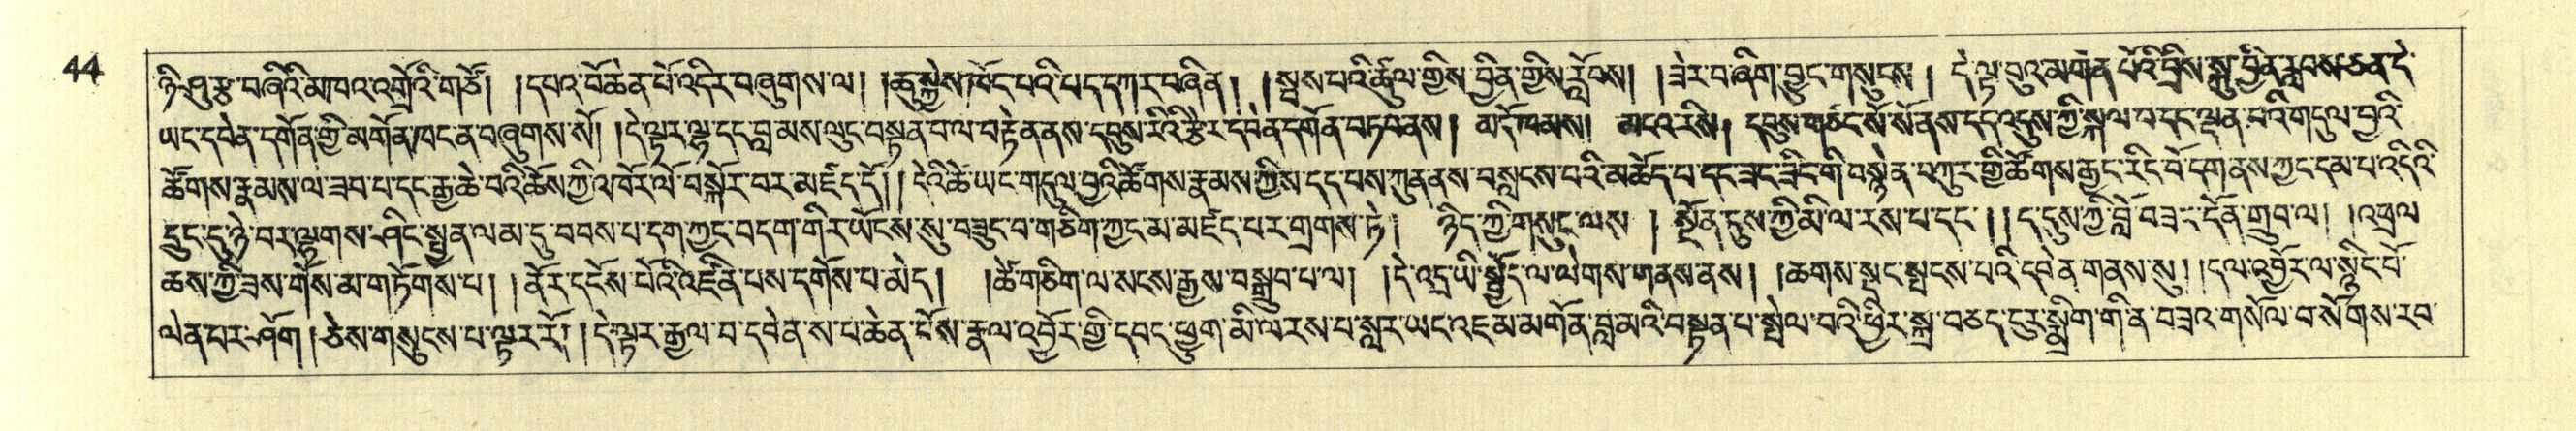ཉི་ཤུ་རྩ་བཞིའི་མཁའ་འགྲོའི་གཙོ། །དཔའ་བོ་ཆེན་པོ་འདིར་བཞུགས་ལ། །ཆུ་སྐྱེས་ཁོང་པའི་པད་དཀར་བཞིན། །སྦས་པའི་ཚུལ་གྱིས་བྱིན་གྱིས་རློབས། །ཟེར་བ་ཞིག་བྱུང་གསུངས། དེ་ལྟ་བུའ་མགོན་པོའི་བྲིས་སྐུ་བྱིན་རླབས་ཅན་དེ་
ཡང་དབེན་དགོན་གྱི་མགོན་ཁང་ན་བཞུགས་སོ། །དེ་ལྟར་ལྷ་དང་བླ་མས་ལུང་བསྟན་བ་ལ་བརྟེན་ནས་དབུས་རིའི་རྩེར་དབེན་དགོན་བཏབ་ནས། མདོ་ཁམས། མངའ་རིས། དབུས་གཙང་སོ་སོ་ནས་དད་འདུས་ཀྱི་སྐལ་བ་དང་ལྡན་པའི་གདུལ་བྱའི་
ཚོགས་རྣམས་ལ་ཟབ་པ་དང་རྒྱ་ཆེ་བའི་ཆོས་ཀྱི་འཁོར་ལོ་བསྐོར་བར་མཛད་དོ། །དེའི་ཚེ་ཡང་གདུལ་བྱའི་ཚོགས་རྣམས་ཀྱིས་དད་པས་ཀུན་ནས་བསླངས་པའི་མཆོད་པ་དང་ཟང་ཞིང་གི་བསྙེན་བཀུར་གྱི་ཚོགས་རྒྱང་རིང་བོ་དག་ནས་ཀྱང་དམ་པ་འདིའི་
དྲུང་དུ་ཉེ་བར་ལྷགས་ཤིང་སྤྱན་ལམ་དུ་བབས་པ་དག་ཀྱང་བདག་གིར་ཡོངས་སུ་བཟུང་བ་གཅིག་ཀྱང་མ་མཛད་པར་གྲགས་ཏེ། ཉིད་ཀྱི་གསུང་ལས། སྔོན་དུས་ཀྱི་མི་ལ་རས་པ་དང་། །ད་དུས་ཀྱི་བློ་བཟང་དོན་གྲུབ་ལ། །འཕྲལ་
ཆས་ཀྱི་ཟས་གོས་མ་གཏོགས་པ། །ནོར་དངོས་པོའི་འཛིན་པས་དགོས་པ་མེད། །ཚེ་གཅིག་ལ་སངས་རྒྱས་བསྒྲུབ་པ་ལ། །དེ་འདྲ་ཡི་སྦྱོད་ལ་ལེགས་གནས་ནས། །ཆགས་སྡང་སྤངས་པའི་དབེན་གནས་སུ། །དལ་འབྱོར་ལ་སྙིང་པོ་
ལེན་པར་ཤོག །ཅེས་གསུངས་པ་ལྟར་རོ། །དེ་ལྟར་རྒྱལ་བ་དབེན་ས་པ་ཆེན་པོས་རྣལ་འབྱོར་གྱི་དབང་ཕྱུག་མི་ལ་རས་པ་སླར་ཡང་འཇམ་མགོན་བླ་མའི་བསྟན་པ་སྤེལ་བའི་ཕྱིར་སྐྲ་བཅད་དུར་སྨིག་གི་ན་བཟའ་གསོལ་བ་སོགས་རབ་